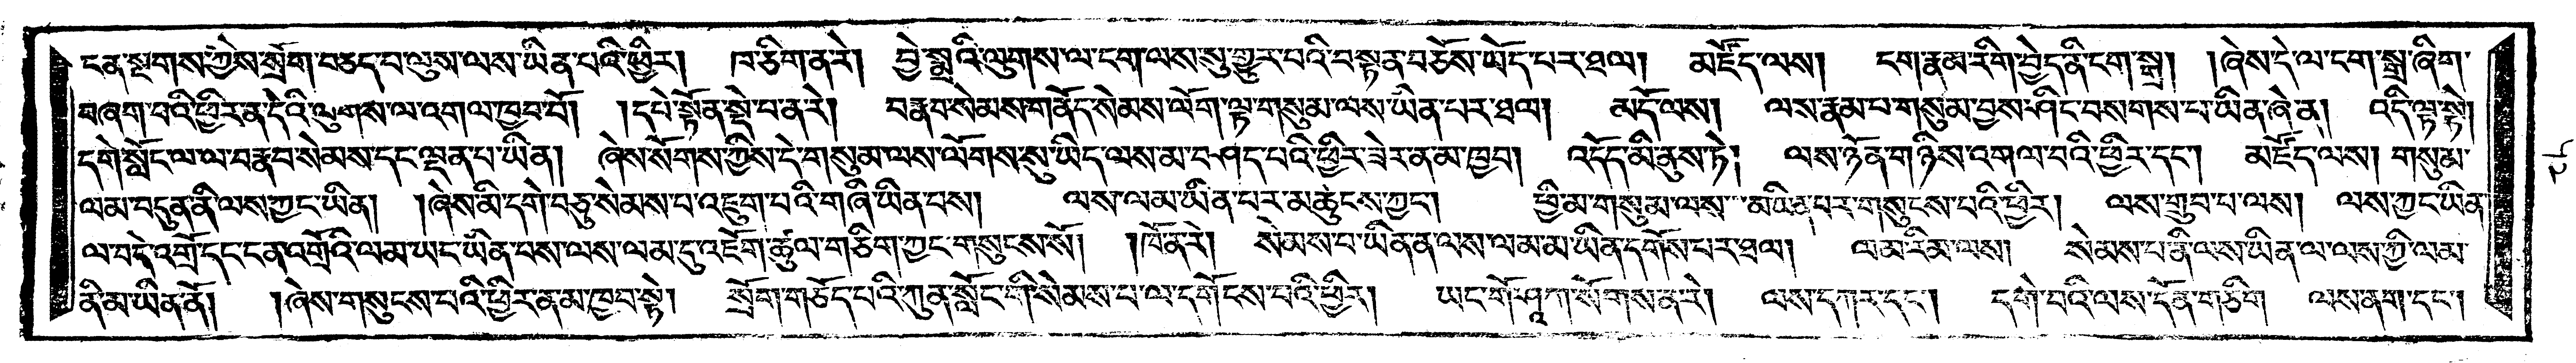ངན་སྔགས་ཀྱིས་སྲོག་བཅད་པ་ལུས་ལས་ཡིན་པའི་ཕྱིར། ཁ་ཅིག་ན་རེ། བྱེ་སྨྲའི་ལུགས་ལ་ངག་ལས་སུ་གྱུར་བའི་བསྟན་བཅོས་ཡོད་པར་ཐལ། མཛོད་ལས། ངག་རྣམ་རིག་བྱེད་ནི་ངག་སྒྲ། །ཞེས་དེ་ལ་ངག་སྒྲ་ཞིག་
བཞག་པའི་ཕྱིར་ན་དེའི་ལུགས་ལ་འགལ་ཁྱབ་བོ། །དཔེ་སྟོན་སྡེ་པ་ན་རེ། བརྣབ་སེམས་གནོད་སེམས་ལོག་ལྟ་གསུམ་ལས་ཡིན་པར་ཐལ། མདོ་ལས། ལས་རྣམ་པ་གསུམ་བྱས་ཤིང་བསགས་པ་ཡིན་ཞེ་ན། འདི་ལྟ་སྟེ།
དགེ་སློང་ལ་ལ་བརྣབ་སེམས་དང་ལྡན་པ་ཡིན། ཞེས་སོགས་ཀྱིས་དེ་གསུམ་ལས་ལོགས་སུ་ཡིད་ལས་མ་བཤད་པའི་ཕྱིར་ཟེར་ན་མ་ཁྱབ། འདོད་མི་ནུས་ཏེ། ལས་ཉོན་གཉིས་འགལ་བའི་ཕྱིར་དང་། མཛོད་ལས། གསུམ་
ལམ་བདུན་ནི་ལས་ཀྱང་ཡིན། །ཞེས་མི་དགེ་བཅུ་སེམས་བ་འཇུག་བའི་གཞི་ཡིན་པས། ལས་ལམ་ཡིན་པར་མཚུངས་ཀྱང་། ཕྱི་མ་གསུམ་ལས་མ་ཡིན་པར་གསུངས་པའི་ཕྱིར། ལས་གྲུབ་པ་ལས། ལས་ཀྱང་ཡིན་
ལ་བདེ་འགྲོ་དང་ངན་འགྲོའི་ལམ་ཡང་ཡིན་པས་ལས་ལམ་དུ་འཇོག་ཚུལ་གཅིག་ཀྱང་གསུངས་སོ། །ཁོ་ན་རེ། སེམས་པ་ཡིན་ན་ལས་ལམ་མ་ཡིན་དགོས་པར་ཐལ། ལམ་རིམ་ལས། སེམས་པ་ནི་ལས་ཡིན་ལ་ལས་ཀྱི་ལམ་
ནི་མ་ཡིན་ནོ། །ཞེས་གསུངས་པའི་ཕྱིར་ན་མ་ཁྱབ་སྟེ། སྲོག་གཅོད་པའི་ཀུན་སློང་གི་སེམས་པ་ལ་དགོངས་པའི་ཕྱིར། ཡང་གོ་ཤཱ་ཀ་སོགས་ན་རེ། ལས་དཀར་དང་། དགེ་བའི་ལས་དོན་གཅིག་ལས་ནག་དང་།